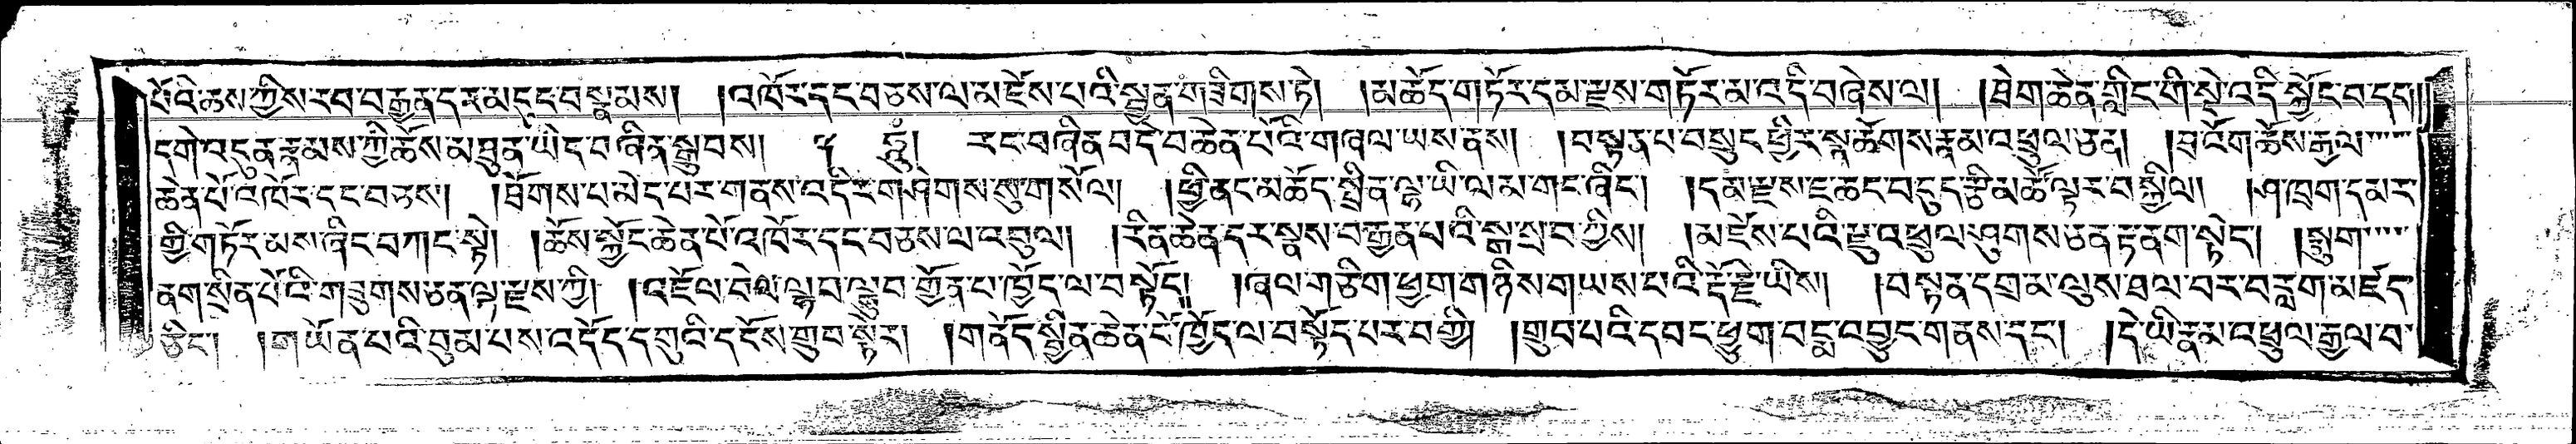པོའི་ཆས་ཀྱིས་རབ་བརྒྱན་དར་མདུང་བསྣམས། །འཁོར་དང་བཅས་ལ་མཛེས་པའི་སྤྱན་གཟིགས་ཏེ། །མཆོད་གཏོར་དམ་རྫས་གཏོར་མ་འདི་བཞེས་ལ། །ཐེག་ཆེན་གླིང་གི་སྡེ་འདི་སྐྱོང་བ་དང་། །
དགེ་འདུན་རྣམས་ཀྱི་ཆོས་མཐུན་ཡིད་བཞིན་སྒྲུབས། ༈ ཧཱུཾ། རང་བཞིན་བདེ་བ་ཆེན་པོའི་གཞལ་ཡས་ནས། །བསྟན་པ་བསྲུང་ཕྱིར་སྣ་ཚོགས་རྣམ་འཕྲུལ་ཅན། །ཐ་འོག་ཆོས་རྒྱལ་
ཆེན་པོ་འཁོར་དང་བཅས། །ཐོགས་པ་མེད་པར་གནས་འདིར་གཤེགས་སུ་གསོལ། །ཕྱི་ནང་མཆོད་སྤྲིན་ལྷ་ཡི་ལམ་གང་ཞིང་། །དམ་རྫས་ཇ་ཆང་བདུད་རྩི་མཚོ་ལྟར་བསྐྱིལ། །ཤ་ཁྲག་དམར་
གྱི་གཏོར་མས་ཞིང་བཀང་སྟེ། །ཆོས་སྐྱོང་ཆེན་པོ་འཁོར་དང་བཅས་ལ་འབུལ། །རིན་ཆེན་དར་སྣས་བརྒྱན་པའི་སྒ་སྲབ་ཀྱིས། །མཛེས་པའི་རྫུ་འཕྲུལ་ཤུགས་ཅན་རྟ་ནག་སྟེང་། །སྨུག་
ནག་སྲིན་པོའི་གཟུགས་ཅན་ལྷ་རྫས་ཀྱི། །འཇོལ་བེལ་ལྷབ་ལྷུབ་གྱོན་པ་ཁྱོད་ལ་བསྟོད། །ཞལ་གཅིག་ཕྱག་གཉིས་གཡས་པའི་རྡོ་རྗེ་ཡིས། །བསྟན་དགྲ་མ་ལུས་ཐལ་བར་བརླག་མཛད་
ཅིང་། །གཡོན་པའི་བུམ་པས་འདོད་དགུའི་དངོས་གྲུབ་སྟེར། །གནོད་སྦྱིན་ཆེན་པོ་ཁྱོད་ལ་བསྟོད་པར་བགྱི། །གྲུབ་པའི་དབང་ཕྱུག་པདམ་འབྱུང་གནས་དང་། །དེ་ཡི་རྣམ་འཕྲུལ་རྒྱལ་བ་